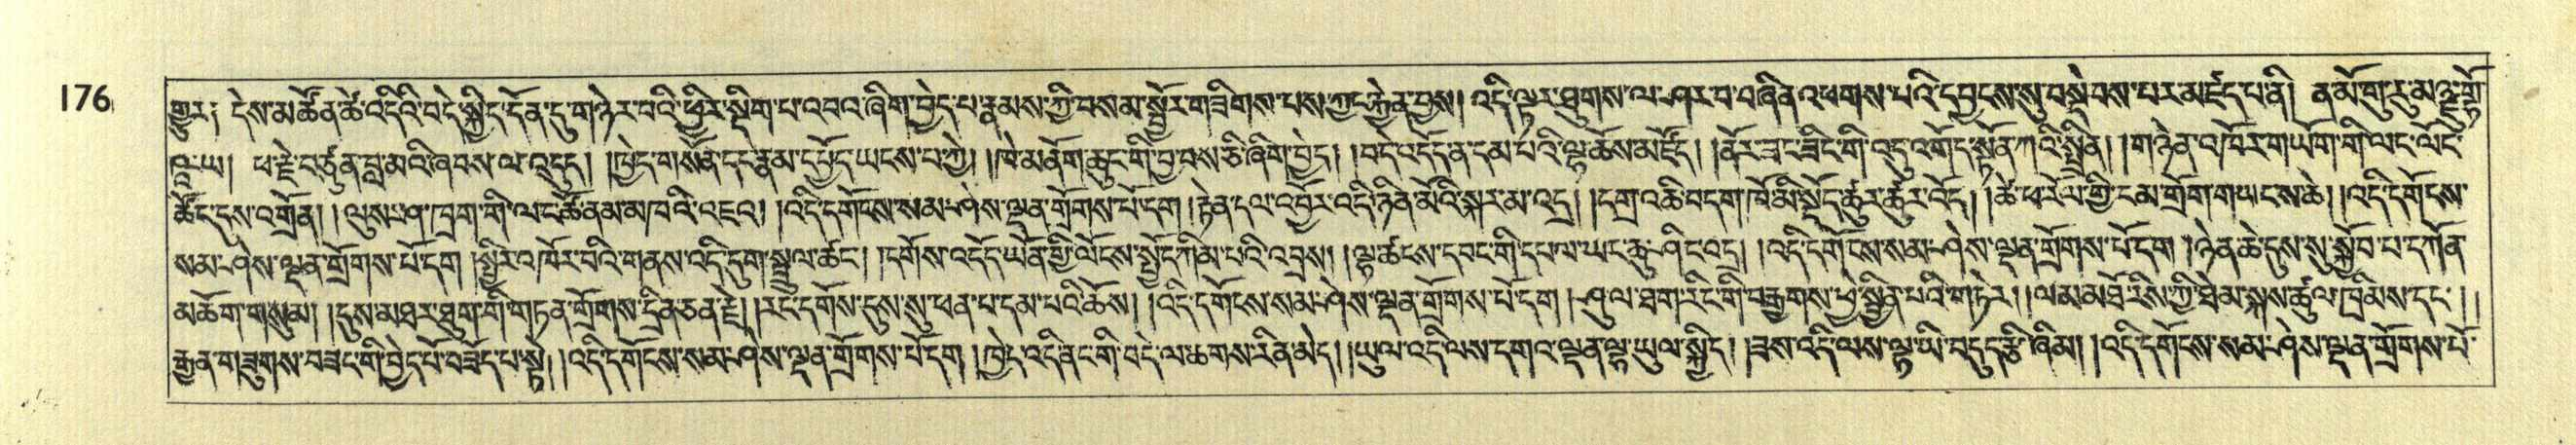གྱུར༑ དེས་མཚོན་ཚེ་འདིའི་བདེ་སྐྱིད་དོན་དུ་གཉེར་བའི་ཕྱིར་སྡིག་པ་འབའ་ཞིག་བྱེད་པ་རྣམས་ཀྱི་བསམ་སྦྱོར་གཟིགས་པས་ཀྱང་རྐྱེན་བྱས། འདི་ལྟར་ཐུགས་ལ་ཤར་བ་བཞིན་འཕགས་པའི་དབྱངས་སུ་བསྡེབས་པར་མཛད་པ་ནི། ན་མོ་གུ་རུ་མཉྫུ་གྷོ་
ཥཱ་ཡ། ཕ་རྗེ་བཙུན་བླ་མའི་ཞབས་ལ་འདུད། །ཁྱེད་གསོན་དང་རྣམ་དཔྱོད་ཡངས་པ་ཀྱེ། །ཁེ་མནོག་ཆུང་གི་བྱ་བས་ཅི་ཞིག་བྱེད། །བདེ་འདོད་ན་དམ་པའི་ལྷ་ཆོས་མཛོད། །ནོར་ཟང་ཟིང་གི་འདུ་འགོད་སྟོན་ཀའི་སྤྲིན། །གཉེན་འཁོར་གཡོག་གི་ལང་ལོང་
ཚོང་དུས་འགྲོན། །ལུས་ཤ་ཁྲག་གི་ལང་ཚོ་ནམ་མཁའི་འཇའ། །འདི་དགོངས་སམ་ཤེས་ལྡན་གྲོགས་པོ་དག །རྟེན་དལ་འབྱོར་འདི་ཉིན་མོའི་སྐར་མ་འདྲ། །དགྲ་འཆི་བདག་ཁོ་མི་སྡོད་ཚུར་ཚུར་འོད། །ཚེ་ཕ་རོལ་གྱི་ངམ་གྲོག་གཡང་ས་ཆེ། །འདི་དགོངས་
སམ་ཤེས་ལྡན་གྲོགས་པོ་དག །སྤྱིར་འཁྲོ་བའི་གནས་འདི་དུག་སྤྲུལ་ཚང་། །དགོས་འདོད་ཡོན་གྱི་ལོངས་སྤྱོད་ཀིམ་པའི་འབྲས། །ལྷ་ཚངས་དབང་གི་དཔལ་ཡང་ཆུ་ཤིང་འདྲ། །འདི་དགོངས་སམ་ཤེས་ལྡན་གྲོགས་པོ་དག །ཉེན་ཆེ་དུས་སུ་སྐྱོབ་པ་དཀོན་
མཆོག་གསུམ། །དུས་མཐར་ཐུག་གི་གཏན་གྲོགས་དྲིན་ཅན་རྗེ། །རང་དགོས་དུས་སུ་ཕན་པ་དམ་པའི་ཆོས། །འདི་དགོངས་སམ་ཤེས་ལྡན་གྲོགས་པོ་དག །ཤུ་ལ་ཐག་རིང་གི་བརྒྱགས་ཕྱེ་སྦྱིན་པའི་གཏེར། །ལམ་མཐོ་རིས་ཀྱི་ཐེམ་སྐས་ཚུལ་ཁྲིམས་དང་། །
རྒྱན་གཟུགས་བཟང་གི་བྱེད་པོ་བཟོད་པ་སྟེ། །འདི་དགོངས་སམ་ཤེས་ལྡན་གྲོགས་པོ་དག །ཁྱེད་འདི་ནང་གི་བདེ་ལ་ཆགས་རིན་མེད། །ཡུལ་འདི་ལས་དགའ་ལྡན་ལྷ་ཡུལ་སྐྱིད། །ཟས་འདི་ལས་ལྷ་ཡི་བདུད་རྩི་ཞིམ། །འདི་དགོངས་སམ་ཤེས་ལྡན་གྲོགས་པོ་